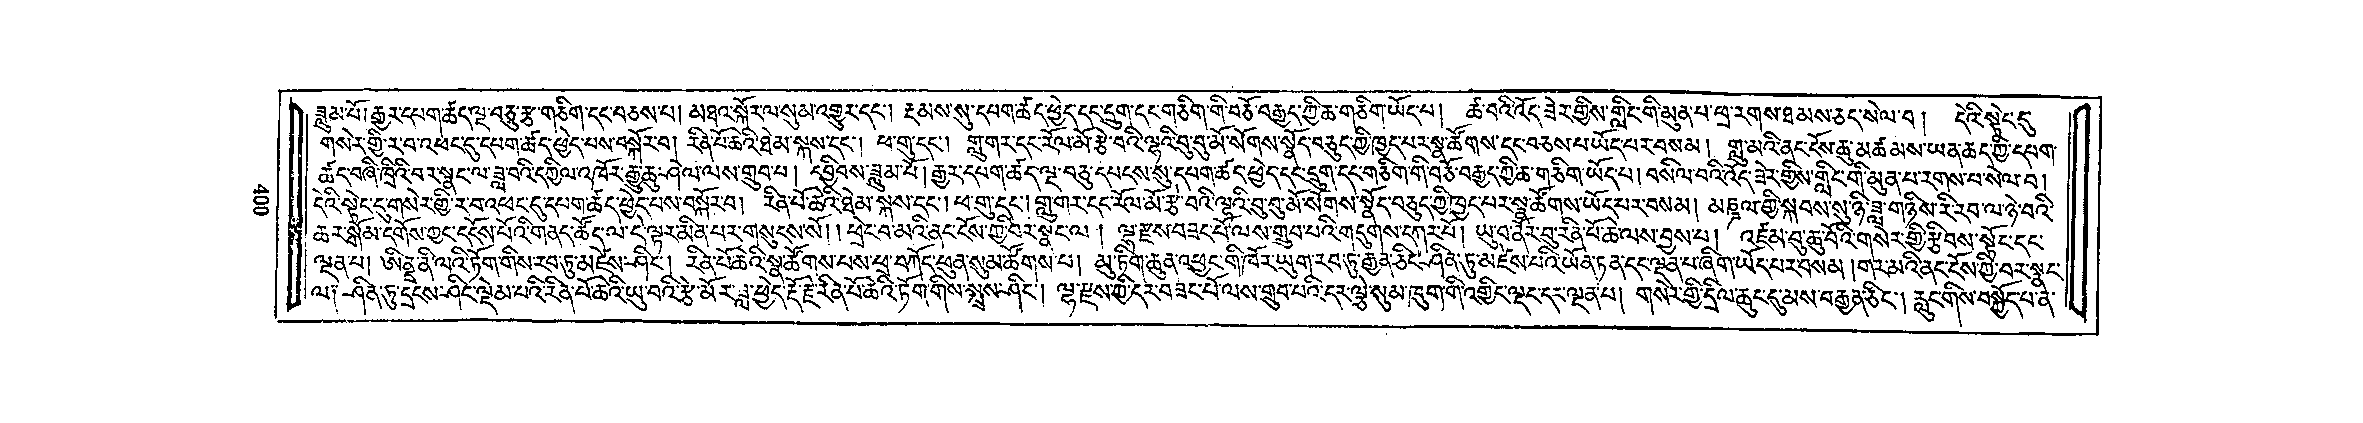ཟླུམ་པོ། རྒྱར་དཔག་ཚད་ལྔ་བཅུ་རྩ་གཅིག་དང་བཅས་པ། མཐའ་སྐོར་ལ་སུམ་འགྱུར་དང་། རྔམས་སུ་དཔག་ཚད་ཕྱེད་དང་དྲུག་དང་གཅིག་གི་བཅོ་བརྒྱད་ཀྱི་ཆ་གཅིག་ཡོད་པ། ཚ་བའི་འོད་ཟེར་གྱིས་གླིང་གི་མུན་པ་ཕྲ་རགས་ཐམས་ཅད་སེལ་བ། དེའི་སྟེང་དུ་
གསེར་གྱི་ར་བ་འཕང་དུ་དཔག་ཚད་ཕྱེད་པས་བསྐོར་བ། རིན་པོ་ཆེའི་ཐེམ་སྐས་དང་། ཕ་གུ་དང་། གླུ་གར་དང་རོལ་མོ་རྩེ་བའི་ལྷའི་བུ་བུ་མོ་སོགས་སྣོད་བཅུད་ཀྱི་ཁྱད་པར་སྣ་ཚོགས་དང་བཅས་པ་ཡོད་པར་བསམ། གླུ་མའི་ནང་ངོས་ཆུ་མཚམས་ཡན་ཆད་ཀྱི་དཔག་
ཚད་བཞི་ཁྲིའི་བར་སྣང་ལ་ཟླ་བའི་དཀྱིལ་འཁོར་རྒྱུ་ཆུ་ཤེལ་ལས་གྲུབ་པ། དབྱིབས་ཟླུམ་པོ། རྒྱར་དཔག་ཚད་ལྔ་བཅུ་དཔངས་སུ་དཔག་ཚད་ཕྱེད་དང་དྲུག་དང་གཅིག་གི་བཅོ་བརྒྱད་ཀྱི་ཆ་གཅིག་ཡོད་པ། བསིལ་བའི་འོད་ཟེར་གྱིས་གླིང་གི་མུན་པ་རགས་པ་སེལ་བ།
དེའི་སྟེང་དུ་གསེར་གྱི་ར་བ་འཕང་དུ་དཔག་ཚད་ཕྱེད་པས་བསྐོར་བ། རིན་པོ་ཆེའི་ཐེམ་སྐས་དང་། ཕ་གུ་དང་། གླུ་གར་དང་རོལ་མོ་རྩེ་བའི་ལྷའི་བུ་བུ་མོ་སོགས་སྣོད་བཅུད་ཀྱི་ཁྱད་པར་སྣ་ཚོགས་ཡོད་པར་བསམ། མཎྜལ་གྱི་སྐབས་སུ་ཉི་ཟླ་གཉིས་རི་རབ་ལ་ཉེ་བའི་
ཆར་སྒོམ་དགོས་ཀྱང་དངོས་པོའི་གནད་ཚོད་ལ་དེ་ལྟར་མིན་པར་གསུངས་སོ། །ཕྲེང་བ་མའི་ནང་ངོས་ཀྱི་བར་སྣང་ལ། ལྷ་རྫས་བཟང་པོ་ལས་གྲུབ་པའི་གདུགས་དཀར་པོ། ཡུ་བ་ནོར་བུ་རིན་པོ་ཆེ་ལས་བྱས་པ། འཛམ་བུ་ཆུ་བོའི་གསེར་གྱི་རྩིབས་སྟོང་དང་
ལྡན་པ། ཨིནྡྲ་ནི་ལའི་ཏོག་གིས་རབ་ཏུ་མཛེས་ཤིང་། རིན་པོ་ཆེའི་སྣ་ཚོགས་པས་ཕྲ་བཀོད་ཕུན་སུམ་ཚོགས་པ། མུ་ཏིག་ཆུན་འཕྱང་གི་ཁོར་ཡུག་རབ་ཏུ་རྒྱན་ཅིང་ཤིན་ཏུ་མཛེས་པའི་ཡོན་ཏན་དང་ལྡན་པ་ཞིག་ཡོད་པར་བསམ། གར་མའི་ནང་ངོས་ཀྱི་བར་སྣང་
ལ། ཤིན་ཏུ་དྲངས་ཤིང་ལྡེམ་པའི་རིན་པོ་ཆེའི་ཡུ་བའི་རྩེ་མོར་ཟླ་ཕྱེད་རྡོ་རྗེ་རིན་པོ་ཆེའི་ཏོག་གིས་སྤྲས་ཤིང་། ལྷ་རྫས་ཀྱི་དར་བཟང་པོ་ལས་གྲུབ་པའི་དར་ལྕེ་སུམ་ཁུག་གི་འགྱིང་ལྡང་དང་ལྡན་པ། གསེར་གྱི་དྲིལ་ཆུང་དུ་མས་བརྒྱན་ཅིང་། རླུང་གིས་བསྐྱོད་པ་ན་